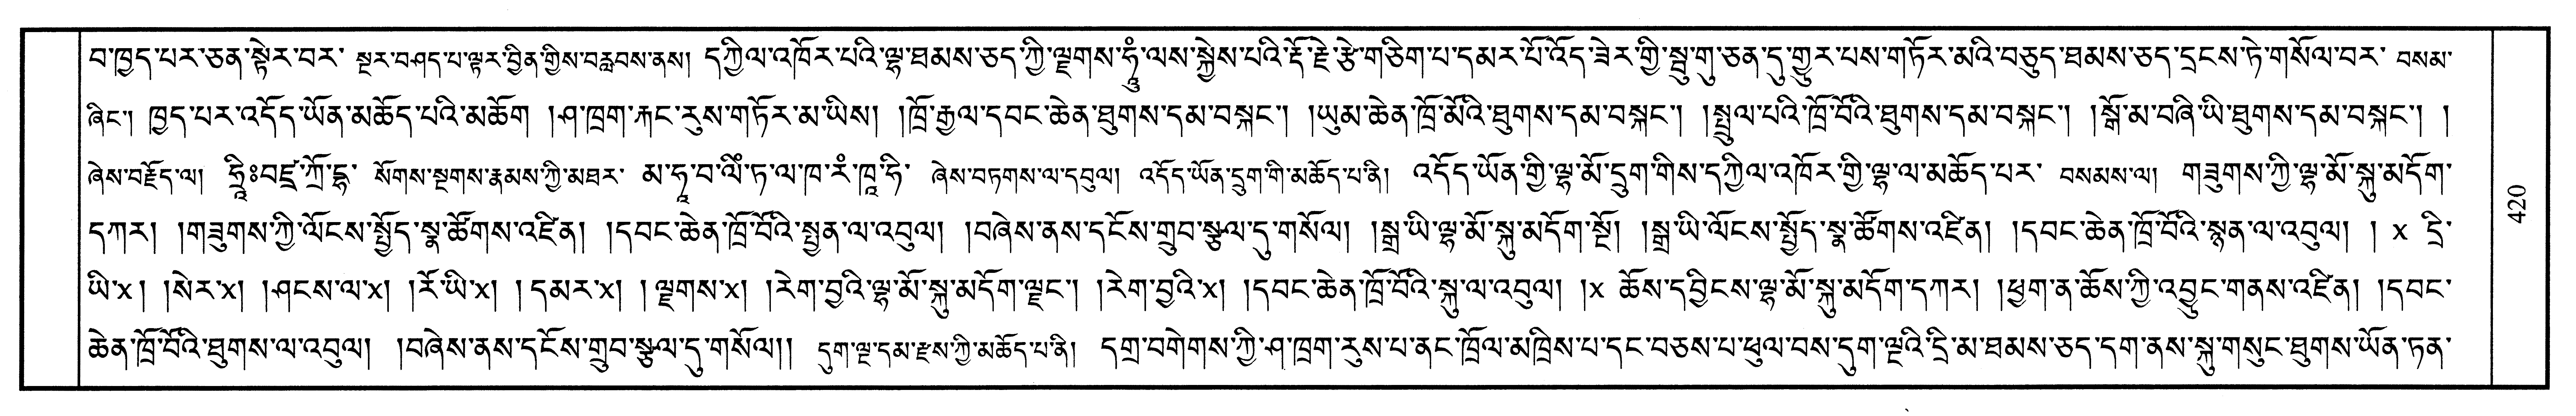བ་ཁྱད་པར་ཅན་སྟེར་བར་སྔར་བཤད་པ་ལྟར་བྱིན་གྱིས་བརླབས་ནས། དཀྱིལ་འཁོར་པའི་ལྷ་ཐམས་ཅད་ཀྱི་ལྗགས་ཧཱུཾ་ལས་སྐྱེས་པའི་རྡོ་རྗེ་རྩེ་གཅིག་པ་དམར་པོ་འོད་ཟེར་གྱི་སྦུ་གུ་ཅན་དུ་གྱུར་པས་གཏོར་མའི་བཅུད་ཐམས་ཅད་དྲངས་ཏེ་གསོལ་བར་བསམ་
ཞིང་། ཁྱད་པར་འདོད་ཡོན་མཆོད་པའི་མཆོག །ཤ་ཁྲག་རྐང་རུས་གཏོར་མ་ཡིས། །ཁྲོ་རྒྱལ་དབང་ཆེན་ཐུགས་དམ་བསྐང་། །ཡུམ་ཆེན་ཁྲོ་མོའི་ཐུགས་དམ་བསྐང་། །སྤྲུལ་པའི་ཁྲོ་བོའི་ཐུགས་དམ་བསྐང་། །སྒོ་མ་བཞི་ཡི་ཐུགས་དམ་བསྐང་། །
ཞེས་བརྗོད་ལ། ཧྲཱིཿ བཛྲ་ཀྲོ་དྷ་སོགས་སྔགས་རྣམས་ཀྱི་མཐར་མ་ཧཱ་བ་ལིཾ་ཏ་ལ་ཁ་རཾ་ཁཱ་ཧི་ཞེས་བཏགས་ལ་དབུལ། འདོད་ཡོན་དྲུག་གི་མཆོད་པ་ནི། འདོད་ཡོན་གྱི་ལྷ་མོ་དྲུག་གིས་དཀྱིལ་འཁོར་གྱི་ལྷ་ལ་མཆོད་པར་བསམས་ལ། གཟུགས་ཀྱི་ལྷ་མོ་སྐུ་མདོག་
དཀར། །གཟུགས་ཀྱི་ལོངས་སྤྱོད་སྣ་ཚོགས་འཛིན། །དབང་ཆེན་ཁྲོ་བོའི་སྤྱན་ལ་འབུལ། །བཞེས་ནས་དངོས་གྲུབ་སྩལ་དུ་གསོལ། །སྒྲ་ཡི་ལྷ་མོ་སྐུ་མདོག་སྔོ། །སྒྲ་ཡི་ལོངས་སྤྱོད་སྣ་ཚོགས་འཛིན། །དབང་ཆེན་ཁྲོ་བོའི་སྙན་ལ་འབུལ། །྾་དྲི་
ཡི་྾། །སེར་྾། །ཤངས་ལ་྾། །རོ་ཡི་྾། །དམར་྾། །ལྗགས་྾། །རེག་བྱའི་ལྷ་མོ་སྐུ་མདོག་ལྗང་། །རེག་བྱའི་྾། །དབང་ཆེན་ཁྲོ་བོའི་སྐུ་ལ་འབུལ། །྾་ཆོས་དབྱིངས་ལྷ་མོ་སྐུ་མདོག་དཀར། །ཕྱག་ན་ཆོས་ཀྱི་འབྱུང་གནས་འཛིན། །དབང་
ཆེན་ཁྲོ་བོའི་ཐུགས་ལ་འབུལ། །བཞེས་ནས་དངོས་གྲུབ་སྩལ་དུ་གསོལ། །དུག་ལྔ་དམ་རྫས་ཀྱི་མཆོད་པ་ནི། དགྲ་བགེགས་ཀྱི་ཤ་ཁྲག་རུས་པ་ནང་ཁྲོལ་མཁྲིས་པ་དང་བཅས་པ་ཕུལ་བས་དུག་ཨལྔའི་དྲི་མ་ཐམས་ཅད་དག་ནས་སྐུ་གསུང་ཐུགས་ཡོན་ཏན་